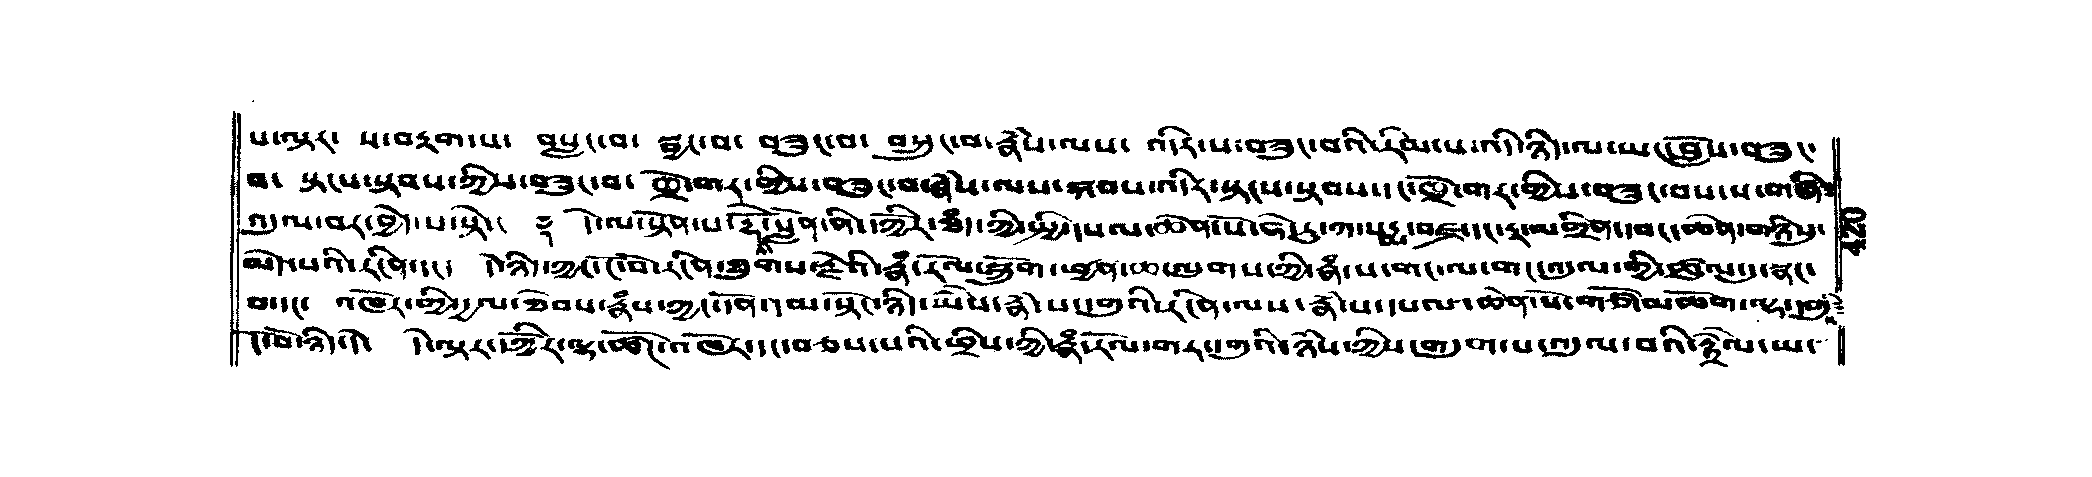པ་ལྟར། ས་བརྟགས། བསླང་བ། སྦྱང་བ། བཟུང་བ། བསྲུང་བ་རྣམས་ལས། འདིར་བཟུང་བའི་རིམ་པ་འདི་ཉིད་ལ་ཡང་བློས་བཟུང་
བ། སྟངས་སྟབས་ཀྱིས་བཟུང་བ། ཁྲོ་གར་གྱིས་བཟུང་བ་རྣམས་ལས་སྐབས་འདིར་སྟངས་སྟབས་དང་ཁྲོ་གར་གྱིས་བཟུང་བས་ས་གཞི་
འདུལ་བར་བྱེད་པ་སྟེ། ༈ དེ་ལ་སྟོན་པ་རྡོ་རྗེ་སློབ་དཔོན་ནི་དཀྱིལ་འཁོར་ཐམས་ཅད་ཀྱི་སྤྱི་དཔལ་ཆེན་པོ་ཧེ་རུ་ཀ་པདྨ་བཛྲ་དང་རྟ་མགྲིན་དབང་ཆེན་གཉིས་སུ་
མེད་པའི་རང་བཞིན་དང་། དེ་ཉིད་ཀྱང་ངོ་བོ་རང་བཞིན་ཐུགས་རྗེའི་རྣམ་རོལ་སྐུ་མདོག་ཕྱག་མཚན་ཆ་ལུགས་ཀྱི་རྣམ་པ་གང་ལ་གང་འདུལ་གྱི་ཚུལ་དུ་སྣང་
བ་དང་། འཁོར་གྱི་རྒྱལ་ཐེབས་རྣམས་ཀྱང་དོན་དམ་སྟོང་ཉིད་ཡེ་ཤེས་རྣམ་པ་དགུའི་རང་བཞིན་ལས་རྣམ་པ་དཔལ་ཆེན་པོ་གཙོ་མཆོག་ལྷ་དགུའི་
ངོ་བོ་ཉིད་དེ།དེ་ལྟར་དཀྱིལ་འཁོར་ལྷ་ཚོགས་འཁོར་དང་བཅས་པའི་ཕྲིན་ལས་ཀྱི་རྣམ་རོལ་གར་དགུའི་ཉམས་ཀྱིས་གདུག་པ་ལའདུལ་བའི་རྟེན་འབྲེལ་ཡ་